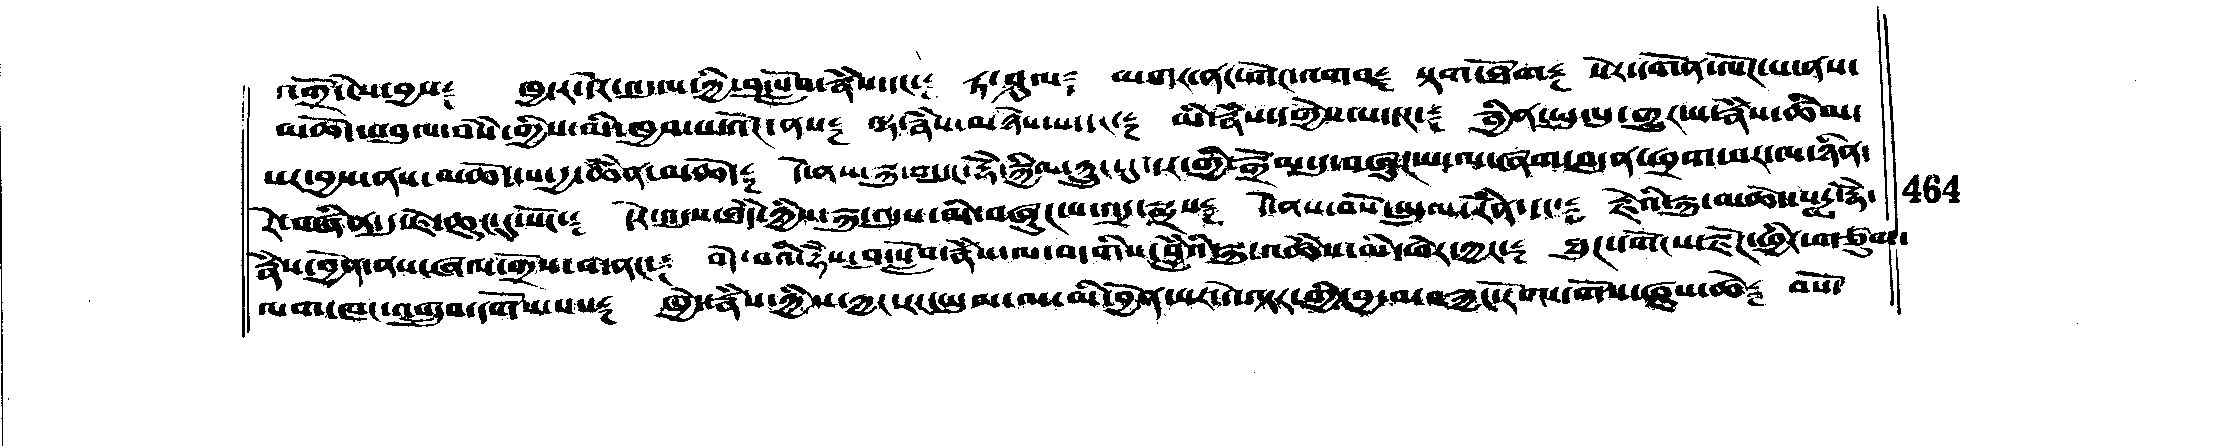འགྲོ་ངེས་བྱས། ཁྱད་པར་དེར་འདུས་ཀྱི་བུ་སློབ་རྣམས་དང་། རྟ་ཤུལ། མགར་ནང་གོང་འགབ། སྟག་ཐོག སེར་དགོན་ལ་སོགས་པ་ནས་
མཆོད་འབུལ་བསམ་གྱིས་མི་ཁྱབ་པ་འོང་ནས། ལྷ་རྣམས་མཉེས་པ་དང་། མི་རྣམས་དགྱེས་པ་དང་། སྦྱིན་ཡུལ་དུ་གྱུར་པ་རྣམས་ཚིམ་
པར་བྱས་ནས་མཆོད་པ་རྒྱ་ཆེན་པོ་མཆོད།དེ་ནས་སྐུ་གདུང་རྡོ་རྗེ་སྐྱིལ་ཀྲུང་དུ་དར་གྱི་སྒྲོམ་དུ་བཞུགས་པ་ལ་ཞག་བདུན་ཕྲག་བར་ལ་ཉིན་
རེ་བཞིན་དུ་རྗེ་ཆུང་དུ་སོང་། དེར་འདུས་ཐམས་ཅད་ཀྱིས་སྐུ་ལུས་མི་བཞུགས་པ་འདྲ་སྨྲས། དེ་ནས་བསོ་སྤྲུལ་རིན་པོ་ཆེ་དང་། རྗེའི་སྐུ་མཆེད་པདྨ་རྡོ་རྗེ་
རྣམས་བྱོན་ནས་ཞལ་གྲོས་གནང་། བདེ་བའི་རྡོ་རྗེ་བུ་སློབ་རྣམས་ལ་བདག་གིས་བླ་མའི་སྐུ་ཚམས་༼ཚབ་?༽མི་ཕེར་ཀྱང་། ཐུགས་དགོངས་རྫོགས་ཕྱིར་གཙུག་
ལག་ཁང་འགྲུབ་དགོས་པས། ཁྱེད་རྣམས་ཀྱིས་ཀྱང་རང་ཡུལ་ལ་མི་བྱོན་པར་དེ་ལྟར་གྱི་བྱ་བ་བསྐྱང་རོགས་དགོས་ཞུས་ཚེ། བསོ་